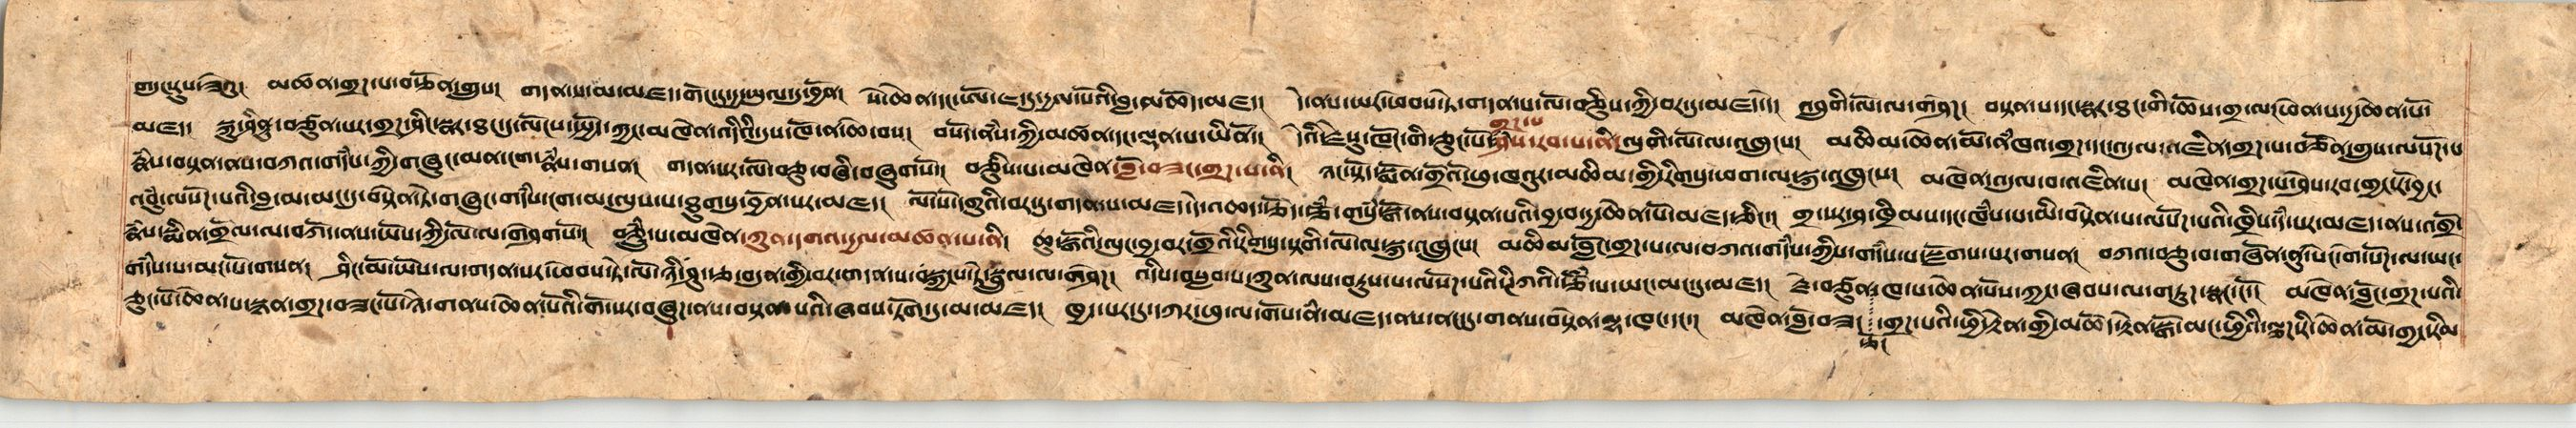གདུང་རུས་ཟེའུ། མཚན་གྲཌ་པ་བརྩོན་གྲུས། གདན་ས་མ་མཛད་གོང་དུ་དྱ་ཡུལ་དུ་བྱོན། སེ་ཆེན་དང་ཨོ་ཇ་དུ་དྱལ་པོའི་བླ་མཆོད་མཛད། དེ་ནས་ཡར་ཕེབས་ཏེ་གདན་ས་ལོ་བཅིུས་ཀྱི་བར་དུ་མཛད་དེ། འབྲུགི་ལོ་ལ་གཤེཌ། བསྟན་པ་དང་སྣར་ཐང་གི་ཆོས་གྲ་ལ།ཕེན་པ་དྱ་ཆེན་པོ་
མཛད་ སྐུ་ཤིནྟུ་བཙུན་པར་གྲཌ་ཤིང་སྣར་ཐང་དུ་ལོངས་སྤྱོད་ཀྱང་མཁེན་འདིའི་དུས་ཁོ་ན་ཆེ་བས། བསོད་ནཾས་ཀྱི་མཚན་དང་ལྡན་པ་ཡིནོ་། དེའི་རྗེསུ་ཁོང་གི་ཅུང་པོ་ཤེས་རབ་པ་ནི་ལུགི་ལོ་ལ་འཁྲུངས། མཆིམ་ཆེན་མོ་ནཾཁའ་གྲཌ་དང་འདུལ་འཛིན་གྲཌ་པ་བརྩོན་གྲུས་ལསོཌ་པ
རྣཾས་བསྟན་ནས་བཀའ་གདཾས་ཀྱི་གཞུང་མན་ངག་རྣཾས་གསན། གདན་སར་ལོ་བཅུ་བཞི་བཞུགསོ་། བཅིུས་པ་མཁེན་བློ་བཟང་གྲཌ་པ་ནི། ཉང་སྟོད་སྨོན་གྲོའི་ཕུ་ཁའུར་མཆིམ་ཀྱི་རིགསུ་ཕག་ལ་སྐུ་འཁྲུངས། མཁེན་འདུལ་བ་འཛིན་པ། མཁེན་གྲཌ་པ་ཤེས་རབ་གྱང་རོ་བྱང་
འབུཾ་ལསོཌ་པའི་བླ་མ་མང་དུ་བསྟེན་ཏེ་གཞུང་གདཾས་ངག་མ་ལུས་པ་ཐུགསུ་བྱོན་པར་མཛད། ལོ་སོ་དགུའི་བར་དུ་གདན་ས་མཛད་ཏེ་འཆད་རྩོད་རྩོཾ་གསུཾ་སྒོ་ནས་བསྟན་པའི་བྱ་བ་དྱ་ཆེན་པོ་མཛད་ཅིང་། གྲ་སར་ཤ་ཁྲིམས་དང་ཁཾས་པ་མི་བསྟེན་པ་ལསོཌ་པའི་ཁྲིས་དཾ་པར་མཛད་ནས་འགྲོ་
རྣཾས་སྨིན་གྲོལ་ལ་བཀོད་ནས་ཡོས་ཀྱི་ལོ་ལ་གཤེགསོ་། བཅྲུཾ་པ་མཁེན་ཀུན་དགའ་དྱལ་མཚན་པ་ནི། ཆུ་སྒོའི་ལུང་བྱ་བར་གྲོའི་རིགསུ་སྟགི་ལོ་ལ་སྐུ་འཁྲུངས། མཆིམ་བློང་གྲཌ་པ་ལ་བཀའ་གདཾས་ཀྱིས་གདཾས་པ་་སྫོགས་པར་གསན། དཀའ་བཅུ་བ་གཞོན་ནུ་སེང་གེ་སོཌ་ལ་ཡང་
གདཾས་པ་མང་པོ་གསན། ཤིང་མོ་ཡོས་ལ་གདན་སར་ཕེབས་སྟེ་ལོ་ཉི་ཤུ་རྩ་བདུན་གྱི་བར་གདན་ས་བསྐྱངས་ཏེ་སྦྲུལ་ལ་གཤེཌ། འདིས་བསླབ་པ་ཀུན་ལས་བཏུས་པ་ལསོཌ་པའི་ཊིཀའི་རྩོཾ་པ་ཡང་མང་དུ་མཛད། རྗེ་བཙུན་ཁ་པ་ཆེན་པོས་ཀྱང་ཞབས་ལ་གཏུཌ་སྣང་ངོ་། མཁེན་བློང་གྲཌ་པའི་
ཅུང་པོ་ཆེན་པ་སྙན་གྲཌ་བཟང་པོ་ཉེ་གནས་ཆེན་པོའི་གོ་སར་བཞུཌ་ནས་བསྟན་པའི་ཞབས་ཏོག་དུ་མ་མཛད། ཁྱད་པར་དུ་དཀར་ཕུ་ལ་གོས་ནཾ་མཛད་ནས་ནང་དུ་གནས་བསྟེན་ལྷ་ཁང་དང་། མཁེན་བློ་བཟང་གྲཌ་པའི་ཕྱི་རྟེན་གྱི་མཆོད་རྟེན་སྒོ་མང་ཕྱིའི་ལྕཌ་རི་ཆེན་མོ་གྱང་རིམ་